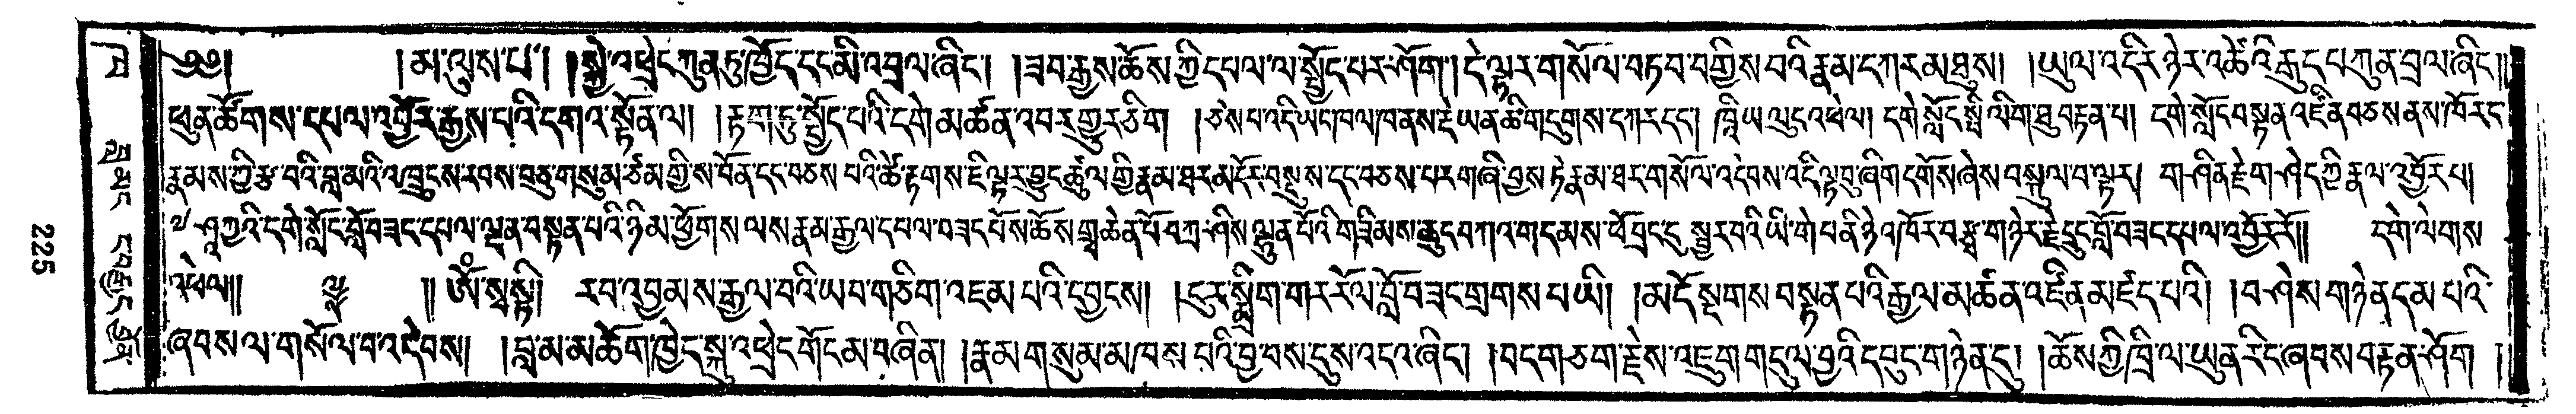༄༅། །མ་ལུས་པ། །སྐྱེ་འཕྲེང་ཀུན་ཏུ་ཁྱོད་དང་མི་འབྲལ་ཞིང་། །ཟབ་རྒྱས་ཆོས་ཀྱི་དཔལ་ལ་སྤྱོད་པར་ཤོག །དེ་ལྟར་གསོལ་བཏབ་བགྱིས་བའི་རྣམ་དཀར་མཐུས། །ཡུལ་འདིར་ཉེར་འཚེའི་རྒུད་པ་ཀུན་བྲལ་ཞིང།།
ཕུན་ཚོགས་དཔལ་འབྱོར་རྒྱས་པའི་དགའ་སྟོན་ལ། །རྟག་ཏུ་སྤྱོད་པའི་དགེ་མཚན་འབར་གྱུར་ཅིག །ཅེས་པ་འདི་ཡང་ཁལ་ཁ་ནས་རྗེ་ཡན་ཆི་གདུགས་དཀར་དང་། ཁའི་ཡ་ལུང་འཕེལ། དགེ་སློང་སྤི་ལིག་ཐུ་བརྟན་པ། དགེ་སློང་བསྟན་འཛིན་བཅས་ནས་ཁོ་རང་
རྣམས་ཀྱི་རྩ་བའི་བླ་མའི་འཁྲུངས་རབས་བཅུ་གསུམ་ཙམ་གྱིས་བོན་དང་བཅས་པའི་ཚེ་རྟགས་ཇི་ལྟར་བྱུང་ཚུལ་གྱི་རྣམ་ཐར་མདོར་བསྡུས་དང་བཅས་པར་གཞི་བྱས་ཏེ་རྣམ་ཐར་གསོལ་འདེབས་འདི་ལྟ་བུ་ཞིག་དགོས་ཞེས་བསྐུལ་བ་ལྟར། གཤིན་རྗེ་གཤེད་ཀྱི་རྣལ་འབྱོར་པ།
༧་ཤཱཀྱའི་དགེ་སློང་བློ་བཟང་དཔལ་ལྡན་བསྟན་པའི་ཉི་མ་ཕྱོགས་ལས་རྣམ་རྒྱལ་དཔལ་བཟང་པོས་ཆོས་གྲྭ་ཆེན་པོ་བཀྲ་ཤིས་ལྷུན་པོའི་གཟིམས་ཆུང་བཀའ་གདམས་ཕོ་བྲང་དུ་སྦྱར་བའི་ཡི་གེ་པ་ནི་ཉེ་འཁོར་བ་རྩྭ་གཉེར་རྗེ་དྲུང་བློ་བཟང་དཔལ་འབྱོར་རོ།། དགེ་ལེགས་
འཕེལ།། ༈ །།ཨོཾ་སྭ་སྟི། རབ་འབྱམས་རྒྱལ་བའི་ཡབ་གཅིག་འཇམ་པའི་དབྱངས། །དུར་སྨྲིག་གར་རོལ་བློ་བཟང་གྲགས་པ་ཡི། །མདོ་སྔགས་བསྟན་པའི་རྒྱལ་མཚན་འཛིན་མཛད་པའི། །བཤེས་གཉེན་དམ་པའི་
ཞབས་ལ་གསོལ་བ་འདེབས། །བླ་མ་མཆོག་ཁྱེད་སྐུ་འཕྲེང་གོང་མ་བཞིན། །རྣམ་གསུམ་མཁས་པའི་བྱ་བས་དུས་འདའ་ཞིང་། །བདག་ཅག་རྗེས་འཇུག་གདུལ་བྱའི་དབུང་གཉེན་དུ། །ཆོས་ཀྱི་ཁྲི་ལ་ཡུན་རིང་ཞབས་བརྟན་ཤོག །